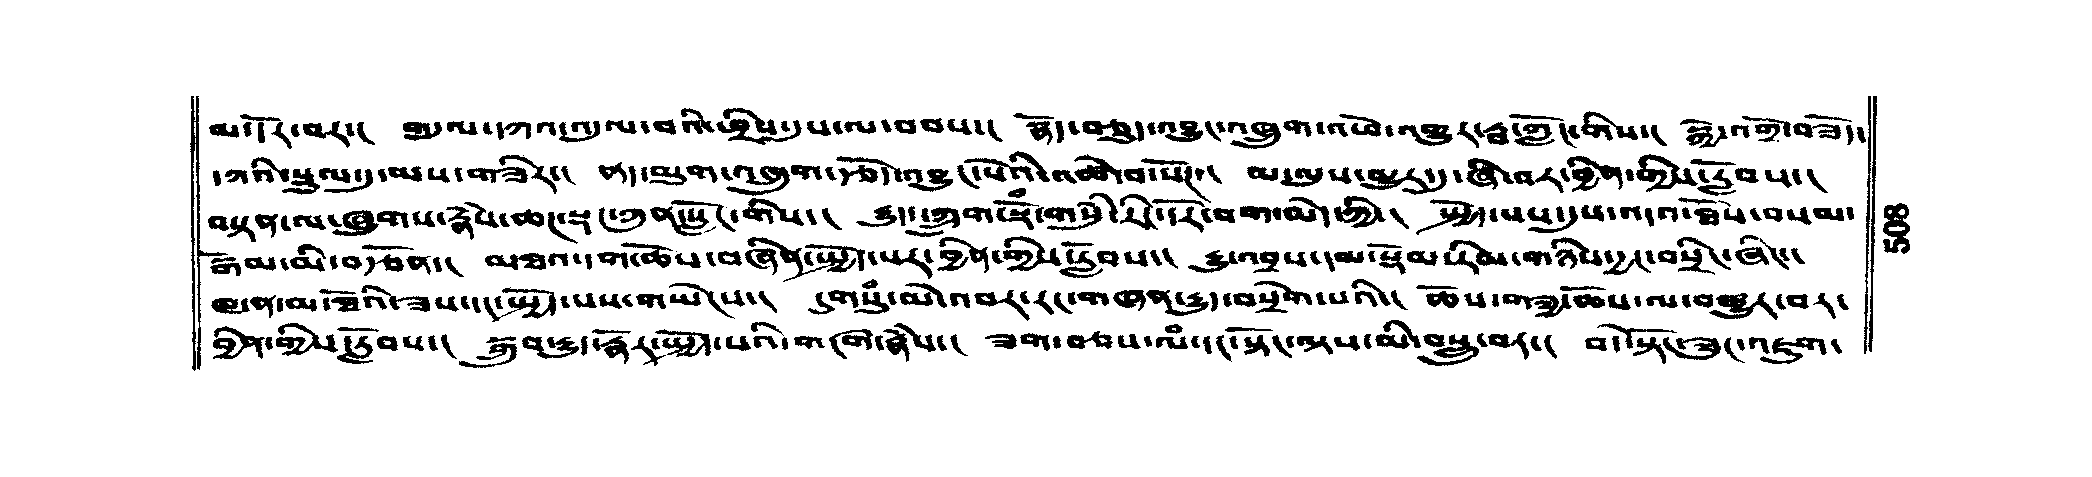མ་དོར་བར། །གདུལ་དཀའ་འདུལ་བའི་ཕྲིན་ལས་དུས་ལ་བབས། །སྣོད་བཅུད་འབྱུང་འཁྲུག་འཕོ་འགྱུར་རྦ་ཀློང་གིས། །སྐྱེ་འགྲོ་བཟོད་
དཀའི་སྡུག་བསྔལ་དུ་མས་གཟིར། །ནད་མུག་འཁྲུག་རྩོད་འབྱུང་པོའི་འཚེ་བ་སོགས། །མ་ལུས་མྱུར་དུ་ཞི་བར་བྱིན་གྱིས་རློབས།
བསྟན་ལ་ཞུགས་རྣམས་ཆགས་སྡང་ཆགས་སྡང་ཀུན་སློང་གིས། །རྒྱུད་དཀྲུག་སྡོམ་གསུམ་རིང་དོར་བགམེད་ཀྱི། །སྤྱོད་པས་དུས་འདའ་ཐོས་བསམ་
སྒོམ་མི་བརྩོན། །མཐའ་དག་ཆོས་བཞིན་སྤྱོད་པར་བྱིན་གྱིས་རློབས། །རྒྱུ་འབྲས་དམ་སྡོམ་རིམ་གཉིས་རྒྱང་བསྲིང་ཞིང་། །
ཁ་ན་མ་ཐོའི་ཟས་དང་སྤྱོད་པས་གཡེངས། །དུག་གསུམ་མེ་འབར་རང་གཞན་རྒྱུད་བསྲེག་པའི། །ཆོས་གཟུགས་ཆོས་ལ་བསྒྱུར་བར་
བྱིན་གྱིས་རློབས། །སྒྲུབ་རྒྱུད་རྣལ་འབྱོར་སྤྱོད་པའི་གདམས་ངག་རྣམས། །ཟག་བཅས་ལམ་དང་སྟོང་ལྟས་མི་བསླུ་བར། །བདེ་སྟོང་ཟུང་འཇུག་